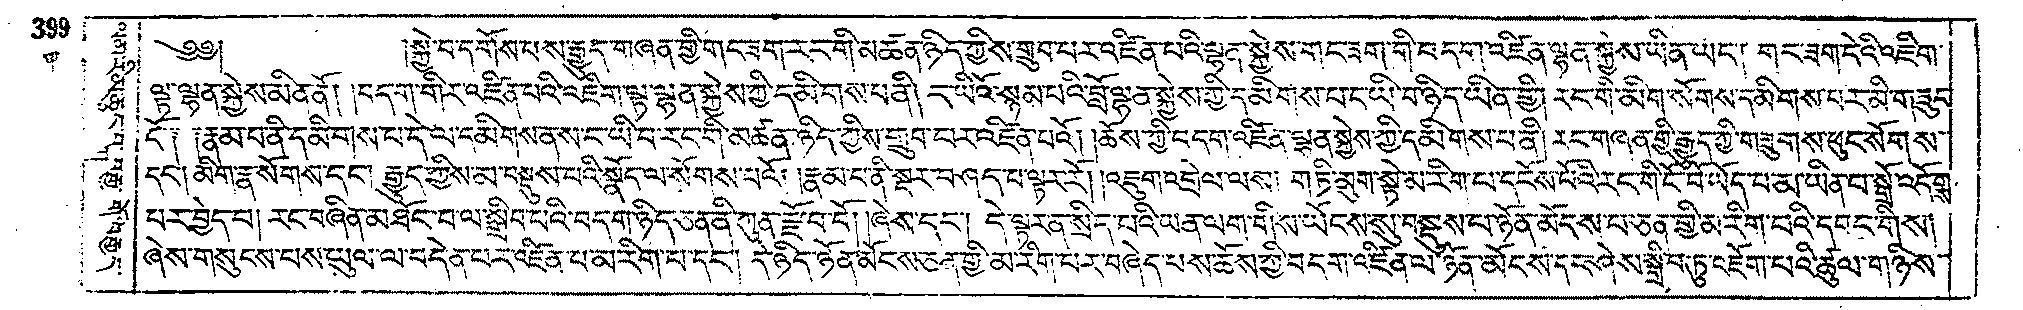༄༅། །སྐྱེ་བ་དགོས་པས་རྒྱུད་གཞན་གྱི་གང་ཟག་རང་གི་མཚན་ཉིད་ཀྱིས་གྲུབ་པར་འཛིན་པའི་ལྷན་སྐྱེས་གང་ཟག་གི་བདག་འཛིན་ལྷན་སྐྱེས་ཡིན་ཡང་། གང་ཟག་དེའི་འཇིག་
ལྟ་ལྷན་སྐྱེས་མིན་ནོ། །བདག་གིར་འཛིན་པའི་འཇིག་ལྟ་ལྷན་སྐྱེས་ཀྱི་དམིགས་པ་ནི། ང་ཡིའོ་སྙམ་པའི་བློ་ལྷན་སྐྱེས་ཀྱི་དམིགས་པ་ང་ཡི་བ་ཉིད་ཡིན་གྱི། རང་གི་མིག་སོགས་དམིགས་པར་མི་གཟུང་
ངོ༑ ༑རྣམ་པ་ནི་དམིགས་པ་དེ་ལ་དམིགས་ནས་ང་ཡི་བ་རང་གི་མཚན་ཉིད་ཀྱིས་གྲུབ་པར་འཛིན་པའོ། །ཆོས་ཀྱི་བདག་འཛིན་ལྷན་སྐྱེས་ཀྱི་དམིགས་པ་ནི། རང་གཞན་གྱི་རྒྱུད་ཀྱི་གཟུགས་ཕུང་སོགས་
དང་། མིག་རྣ་སོགས་དང་། རྒྱུད་ཀྱིས་མ་བསྡུས་པའི་སྣོད་ལ་སོགས་པའོ། །རྣམ་པ་ནི་སྔར་བཤད་པ་ལྟར་རོ། །འཇུག་འགྲེལ་ལས། གཏི་མུག་སྟེ་མ་རིག་པ་དངོས་པོའི་རང་གི་ངོ་བོ་ཡོད་པ་མ་ཡིན་པ་སྒྲོ་འདོགས་
པར་བྱེད་པ། རང་བཞིན་མཐོང་བ་ལ་སྒྲིབ་པའི་བདག་ཉིད་ཅན་ནི་ཀུན་རྫོབ་བོ། །ཞེས་དང་། དེ་ལྟར་ན་སྲིད་པའི་ཡན་ལག་གིས་ཡོངས་སུ་བསྡུས་པ་ཉོན་མོངས་པ་ཅན་གྱི་མ་རིག་པའི་དབང་གིས།
ཞེས་གསུངས་པས་ཡུལ་ལ་བདེན་པར་འཛིན་པ་མ་རིག་པ་དང་། དེ་ཉིད་ཉོན་མོངས་ཅན་གྱི་མ་རིག་པར་བཞེད་པས་ཆོས་ཀྱི་བདག་འཛིན་ལ་ཉོན་མོངས་དང་ཤེས་སྒྲིབ་ཏུ་འཇོག་པའི་ཚུལ་གཉིས་